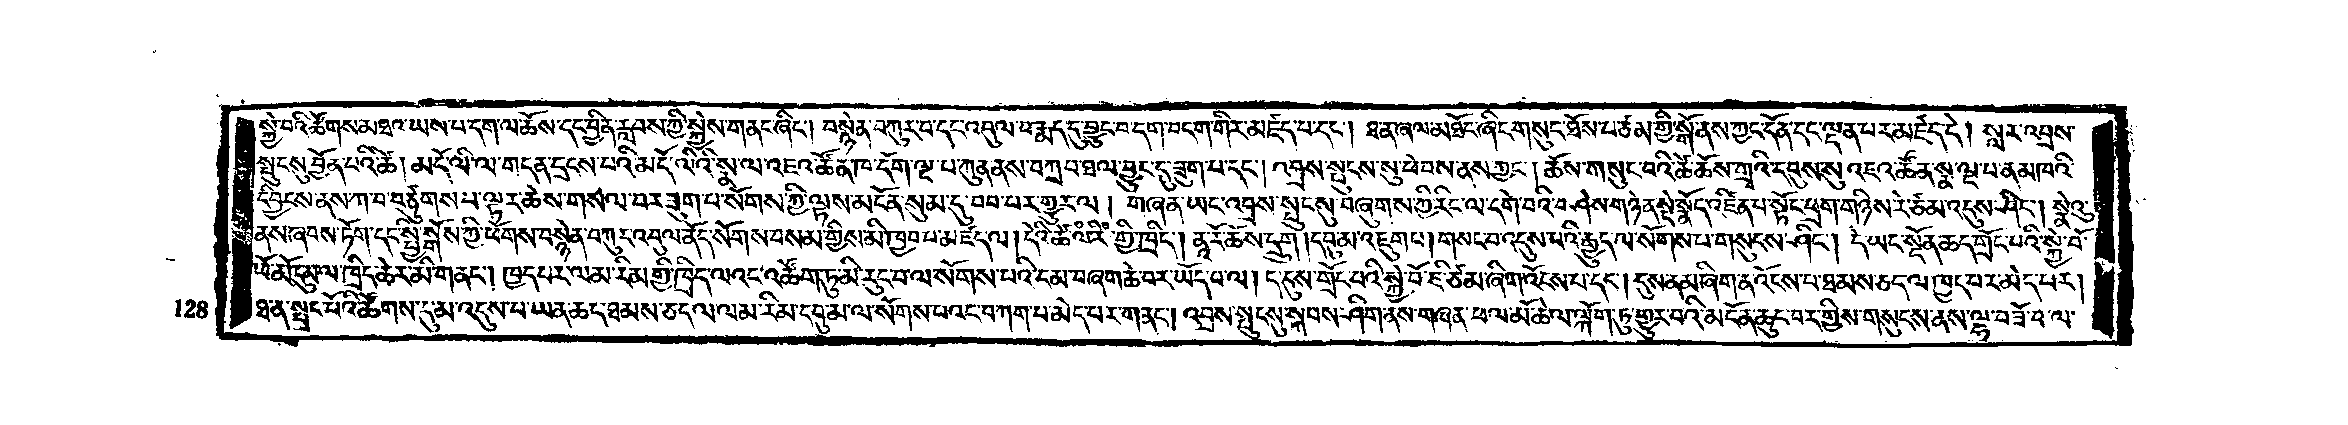སྐྱེ་བའི་ཚོགས་མཐའ་ཡས་པ་དག་ལ་ཆོས་དང་བྱིན་རླབས་ཀྱི་སྐྱེས་གནང་ཞིང་། བསྙེན་བཀུར་བ་དང་འབུལ་བ་རྨད་དུ་བྱུང་བ་དག་བདག་གིར་མཛད་པ་དང་། ཐ་ན་ཞལ་མཐོང་ཞིང་གསུང་ཐོས་པ་ཙམ་གྱི་སྒོ་ནས་ཀྱང་དོན་དང་ལྡན་པར་མཛད་དེ། སླར་འབྲས་
སྤུངས་སུ་བྱོན་པའི་ཚེ། མདོ་ལི་ལ་གདན་དྲངས་པའི་མདོ་ལིའི་སྣ་ལ་འཇའ་ཚོན་ཁ་དོག་ལྔ་པ་ཀུན་ནས་བཀྲ་བ་ཐལ་བྱུང་དུ་ཟུག་པ་དང་། འབྲས་སྤུངས་སུ་ཕེབས་ནས་ཀྱང་། ཆོས་གསུང་བའི་ཚེ་ཆོས་གྲྭའི་དབུས་སུ་འཇའ་ཚོན་སྣ་ལྔ་པ་ནམ་མཁའི་
དབྱིངས་ནས་ཀ་བ་བཙུགས་པ་ལྟར་ཆེས་གསལ་བར་ཟུག་པ་སོགས་ཀྱི་ལྟས་མངོན་སུམ་དུ་བབ་པར་གྱུར་ལ། གཞན་ཡང་འབྲས་སྤུངས་སུ་བཞུགས་ཀྱི་རིང་ལ་དགེ་བའི་བཤེས་གཉེན་སྡེ་སྣོད་འཛིན་པ་སྟོང་ཕྲག་གཉིས་རེ་ཙམ་འདུས་ཤིང་། སྣེའུ་
ནས་ཞབས་ཏོག་དང་སྤྱི་སྒོས་ཀྱི་ཕོགས་བསྙེན་བཀུར་འབུལ་ནོད་སོགས་བསམ་གྱིས་མི་ཁྱབ་པ་མཛད་ལ། དེའི་ཚེ་ལཾ་རིཾ་གྱི་ཁྲིད། ནཱ་རོ་ཆོས་དྲུག །དབུ་མ་འཇུག་པ། གསང་བ་འདུས་པའི་རྒྱུད་ལ་སོགས་པ་གསུངས་ཤིང་། དེ་ཡང་སྔོན་ཆད་གྲོང་པའི་སྐྱེ་བོ་
ཕོ་མོ་དུ་མ་ལ་ཁྲིད་ཆེར་མི་གནང་། ཁྱད་པར་ལམ་རིམ་གྱི་ཁྲིད་ལའང་འཚོག་ཏུ་མི་རུང་བ་ལ་སོགས་པའི་དམ་བཞག་ཆེ་བར་ཡོད་པ་ལ། ད་དུས་གྲོང་པའི་སྐྱེ་བོ་ཇི་ཙམ་ཞིག་འོངས་པ་དང་། དུས་ནམ་ཞིག་ན་འོངས་པ་ཐམས་ཅད་ལ་ཁྱད་པར་མེད་པར།
ཐ་ན་སྤྲང་པོའི་ཚོགས་དུ་མ་འདུས་པ་ཡན་ཆད་ཐམས་ཅད་ལ་ལམ་རིམ་དབུ་མ་ལ་སོགས་པའང་བཀག་པ་མེད་པར་གནང་། འབྲས་སྤུངས་སུ་སྐབས་ཤིག་ནས་གཞན་ཕལ་མོ་ཆེ་ལ་ལྐོག་ཏུ་གྱུར་པའི་མངོན་ཆུང་བར་གྱིས་གསུངས་ནས་ལྷ་བཟོ་བ་ལ་